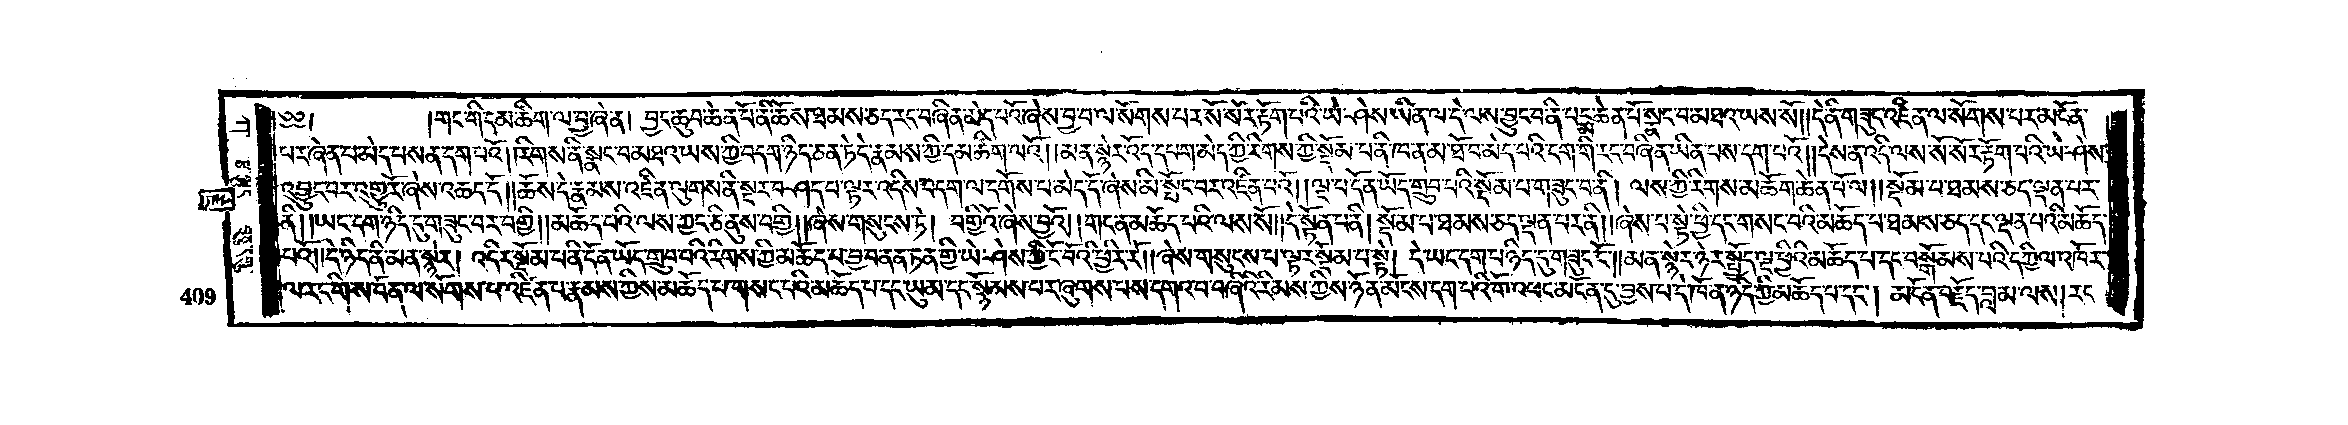༄༅། །གང་གི་དམ་ཚིག་ལ་བྱ་ཞེ་ན། བྱང་ཆུབ་ཆེན་པོ་ནི་ཆོས་ཐམས་ཅད་རང་བཞིན་མེད་པའོ་ཞེས་བྱ་བ་ལ་སོགས་པར་སོ་སོར་རྟོག་པའི་ཡེ་ཤེས་ཡིན་ལ་དེ་ལས་བྱུང་བ་ནི་པདམ་ཆེན་པོ་སྣང་བ་མཐའ་ཡས་སོ། །དེ་ནི་གཟུང་འཛིན་ལ་སོགས་པར་མངོན་
པར་ཞེན་པ་མེད་པས་ན་དག་པའོ། །རིགས་ནི་སྣང་བ་མཐའ་ཡས་ཀྱི་བདག་ཉིད་ཅན་ཏེ་དེ་རྣམས་ཀྱི་དམ་ཚིག་ལའོ། །མན་སྙེར་འོད་དཔག་མེད་ཀྱི་རིགས་ཀྱི་སྡོམ་པ་ནི་ཁ་ན་མ་ཐོ་བ་མེད་པའི་ངག་གི་རང་བཞིན་ཡིན་པས་དག་པའོ། །དེས་ན་འདི་ལས་སོ་སོར་རྟོག་པའི་ཡེ་ཤེས་
འབྱུང་བར་འགྱུར་རོ་ཞེས་འཆད་དོ། །ཆོས་དེ་རྣམས་འཛིན་ལུགས་ནི་སྔར་བཤད་པ་ལྟར་འདིས་བདག་ལ་དགོས་པ་མེད་དོ་ཞེས་མི་སྤོང་བར་འཛིན་པའོ། །ལྔ་པ་དོན་ཡོད་གྲུབ་པའི་སྡོམ་པ་གཟུང་བ་ནི། ལས་ཀྱི་རིགས་མཆོག་ཆེན་པོ་ལ། །སྡོམ་པ་ཐམས་ཅད་ལྡན་པར་
ནི། །ཡང་དག་ཉིད་དུ་གཟུང་བར་བགྱི། །མཆོད་པའི་ལས་ཀྱང་ཅི་ནུས་བགྱི། །ཞེས་གསུངས་ཏེ། བགྱིའོ་ཞེས་བྱའོ། །གང་ན་མཆོད་པའི་ལས་སོ། །དེ་སྟོན་པ་ནི། སྡོམ་པ་ཐམས་ཅད་ལྡན་པར་ནི། །ཞེས་པ་སྟེ་ཕྱི་དང་གསང་བའི་མཆོད་པ་ཐམས་ཅད་དང་ལྡན་པའི་མཆོད་
པའོ། །དེ་ཉིད་ནི་མན་སྙེར། འདིར་སྡོམ་པ་ནི་དོན་ཡོད་གྲུབ་པའི་རིགས་ཀྱི་མཆོད་པ་བྱ་བ་ནན་ཏན་གྱི་ཡེ་ཤེས་ཀྱི་ངོ་བོའི་ཕྱིར་རོ། །ཞེས་གསུངས་པ་ལྟར་སྡོམ་པ་སྟེ། དེ་ཡང་དག་པ་ཉིད་དུ་གཟུང་ངོ། །མན་སྙེར་ཉེར་སྤྱོད་ལྔ་ཕྱིའི་མཆོད་པ་དང་བསྒོམས་པའི་དཀྱིལ་འཁོར་ལ་རང་གི་ས་བོན་ལ་སོགས་པ་འཛིན་པ་རྣམས་ཀྱིས་མཆོད་པ་གསང་པའི་མཆོད་པ་དང་ཡུམ་དང་སྙོམས་པར་ཞུགས་པས་དགའ་བ་བཞིའི་རིམས་ཀྱིས་ཉོན་མོངས་དག་པའི་གོ་འཕང་མངོན་དུ་བྱས་པ་དེ་ཁོ་ན་ཉིད་ཀྱི་མཆོད་པ་དང་། མངོན་བརྗོད་བླ་མ་ལས། རང་